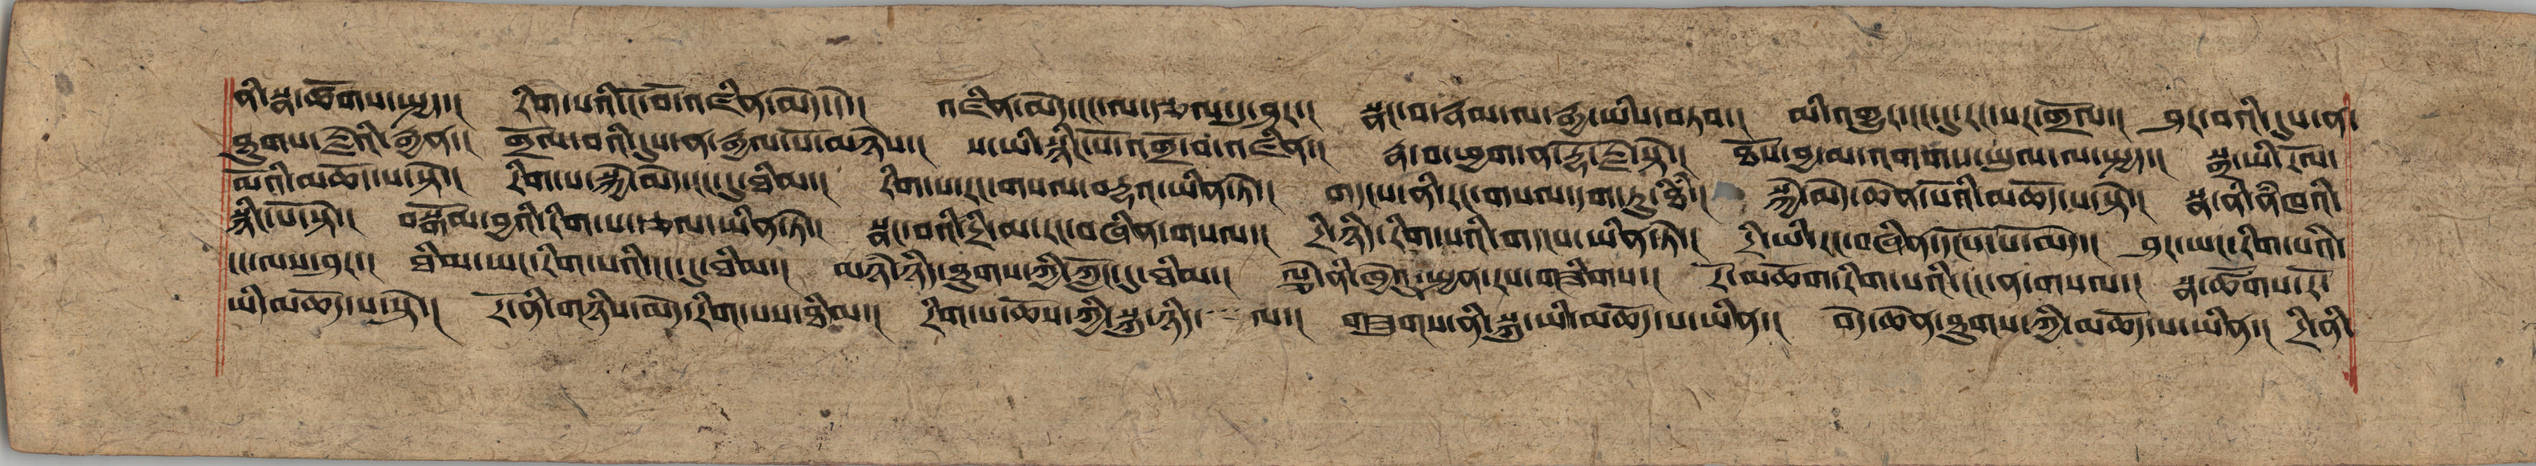ནི་སྣ་ཚོགས་སྤྱད་། རིག་པའི་ངོ་བོ་འཛིན་མེད་དེ་། འཛིན་མེད་ངང་ལ་རྩལ་དུ་ཤར་། སྣང་བ་རྣམ་ལ་རྒྱ་ཡིས་བཏབ་། མི་འགྱུར་ངང་དུ་རང་སར་གྲོལ་། ཤར་བའི་དུས་ན་
ཐུགས་རྗེའི་རྒྱན་། གྲོལ་བའི་དུས་ན་རྒྱལ་པོ་མཉེས་། ས་ཡི་སྙིང་བོ་འགྲོ་བ་འཛིན་། རྣ་བ་ཕྱག་ན་རྡོ་རྗེ་སྟེ་། ཐོས་བྱ་མ་འགགས་ཡུལ་ལ་སྤྱད་། སྒྲ་ཡི་རོལ་
མོའི་མཆོད་པ་སྟེ་། རིག་པ་སྐྱེ་མེད་ངང་དུ་ཐིམ་། རིག་པ་རང་གསལ་བདྷའ་ཡིན་ཏེ་། གདངས་ནི་རང་གསལ་དག་ཏུ་ཐིཾ་། སྐྱེ་མེད་ཆེན་པོའི་མཆོད་པ་སྟེ་། སྣ་ནི་ནཾཁའི་
སྙིང་པོ་སྟེ་། བསྒོམ་བྱའི་རིག་པ་རྩལ་ཡིན་ཏེ་། སྣང་བའི་དྲི་མ་རང་བཞིན་གསལ་། དྲི་ཉིད་རིག་པའི་གདངས་ཡིན་ཏེ་། དྲི་ཡི་རང་བཞིན་དངོས་པོ་མེད་། ཤར་ཡང་རིག་པའི་
ངང་ལས་ཤར་། ཐིམ་ཡང་རིག་པའི་ངང་དུ་ཐིམ་། མཉཾ་ཉིད་ཐུགས་ཀྱི་ཀློང་དུ་ཐིམ་། ལྕེ་ནི་ཁྱེའུ་སྤྱན་རས་གཟིགས་། རོ་མཆོག་རིག་པའི་ངང་ན་གསལ་། སྣ་ཚོགས་རོ་
ཡི་མཆོད་པ་སྟེ་། རོ་ནི་གཉིས་མེད་རིག་པས་ཐིམ་། རིག་པ་ཆོས་ཀྱི་སྐུ་ཉིད་ལ་། གཟུགས་ནི་སྐུ་ཡི་མཆོད་པ་ཡིན་། བདེ་ཆེན་ཐུགས་ཀྱི་མཆོད་པ་ཡིན་། དྲི་ནི་